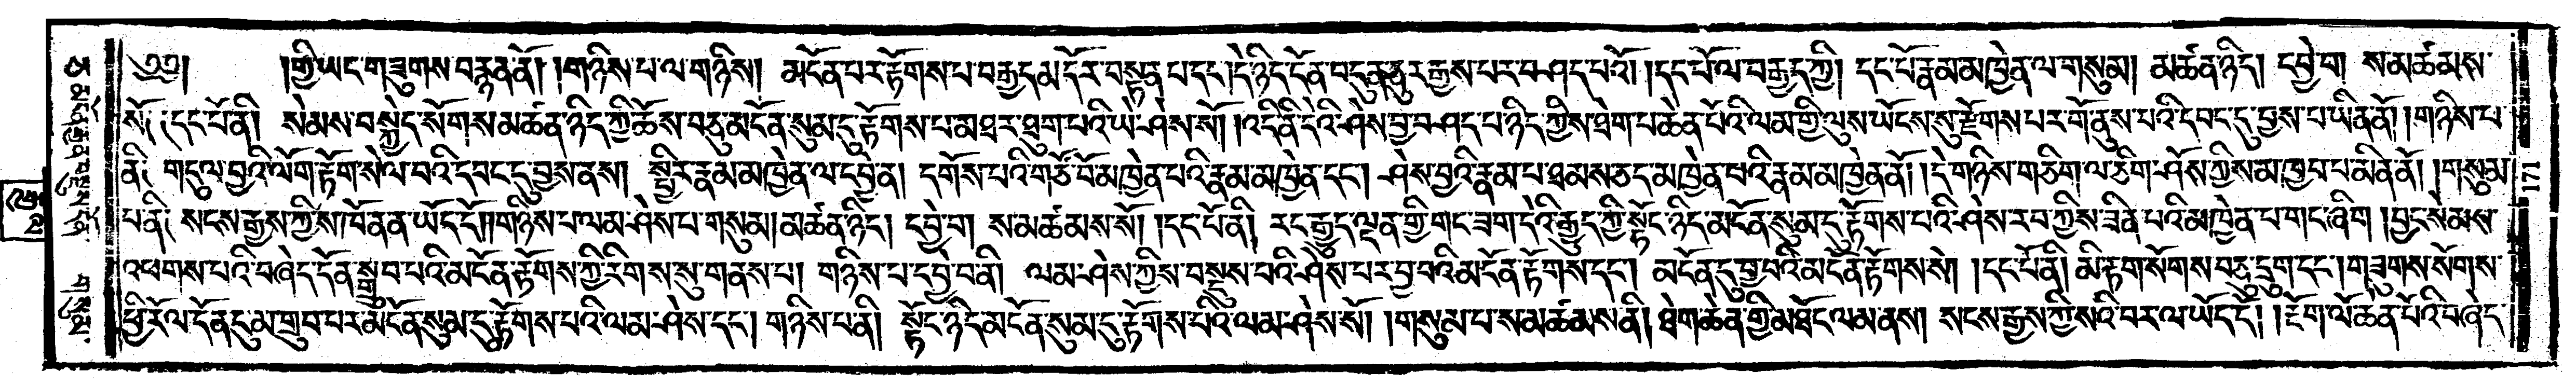༄༅། །གྱི་ཡང་གཟུགས་བརྙན་ནོ། །གཉིས་པ་ལ་གཉིས། མངོན་པར་རྟོགས་པ་བརྒྱད་མདོར་བསྟན་པ་དང་། དེ་ཉིད་དོན་བདུན་ཅུར་རྒྱས་པར་བཤད་པའོ། །དང་པོ་ལ་བརྒྱད་ཀྱི། དང་པོ་རྣམ་མཁྱེན་ལ་གསུམ། མཚན་ཉིད། དབྱེ་བ། ས་མཚམས་
སོ། །དང་པོ་ནི། སེམས་བསྐྱེད་སོགས་མཚན་ཉིད་ཀྱི་ཆོས་བཅུ་མངོན་སུམ་དུ་རྟོགས་པ་མཐར་ཐུག་པའི་ཡེ་ཤེས་སོ། །འདི་ནི་དེའི་ཤེས་བྱ་བཤད་པ་ཉིད་ཀྱིས་ཐེག་པ་ཆེན་པོའི་ལམ་གྱི་ལུས་ཡོངས་སུ་རྫོགས་པར་གོ་ནུས་པའི་དབང་དུ་བྱས་པ་ཡིན་ནོ། །གཉིས་པ་
ནི། གདུལ་བྱའི་ལོག་རྟོག་སེལ་བའི་དབང་དུ་བྱས་ནས། སྤྱིར་རྣམ་མཁྱེན་ལ་དབྱེ་ན། དགོས་པའི་གཙོ་བོ་མཁྱེན་པའི་རྣམ་མཁྱེན་དང་། ཤེས་བྱའི་རྣམ་པ་ཐམས་ཅད་མཁྱེན་པའི་རྣམ་མཁྱེན་ནོ། །དེ་གཉིས་གཅིག་ལ་ཅིག་ཤོས་ཀྱིས་མ་ཁྱབ་པ་མིན་ནོ། །གསུམ་
པ་ནི། སངས་རྒྱས་ཀྱི་ས་ཁོ་ན་ན་ཡོད་དོ། །གཉིས་པ་ལམ་ཤེས་པ་གསུམ། མཚན་ཉིད། དབྱེ་བ། ས་མཚམས་སོ། །དང་པོ་ནི། རང་རྒྱུད་ལྡན་གྱི་གང་ཟག་དེའི་རྒྱུད་ཀྱི་སྟོང་ཉིད་མངོན་སུམ་དུ་རྟོགས་པའི་ཤེས་རབ་ཀྱིས་ཟིན་པའི་མཁྱེན་པ་གང་ཞིག །བྱང་སེམས་
འཕགས་པའི་བཞེད་དོན་སྒྲུབ་པའི་མངོན་རྟོགས་ཀྱི་རིགས་སུ་གནས་པ། གཉིས་པ་དབྱེ་བ་ནི། ལམ་ཤེས་ཀྱིས་བསྡུས་པའི་ཤེས་པར་བྱ་བའི་མངོན་རྟོགས་དང་། མངོན་དུ་བྱ་བའི་མངོན་རྟོགས་སེ། །དང་པོ་ནི། མི་རྟག་སོགས་བཅུ་དྲུག་དང་། གཟུགས་སོགས་
ཕྱི་རོལ་དོན་དུ་མ་གྲུབ་པར་མངོན་སུམ་དུ་རྟོགས་པའི་ལམ་ཤེས་དང་། གཉིས་པ་ནི། སྟོང་ཉིད་མངོན་སུམ་དུ་རྟོགས་པའི་ལམ་ཤེས་སོ། །གསུམ་པ་ས་མཚམས་ནི། ཐེག་ཆེན་གྱི་མཐོང་ལམ་ནས། སངས་རྒྱས་ཀྱི་སའི་བར་ལ་ཡོད་དོ། །རྔོག་ལོ་ཆེན་པོའི་བཞེད་